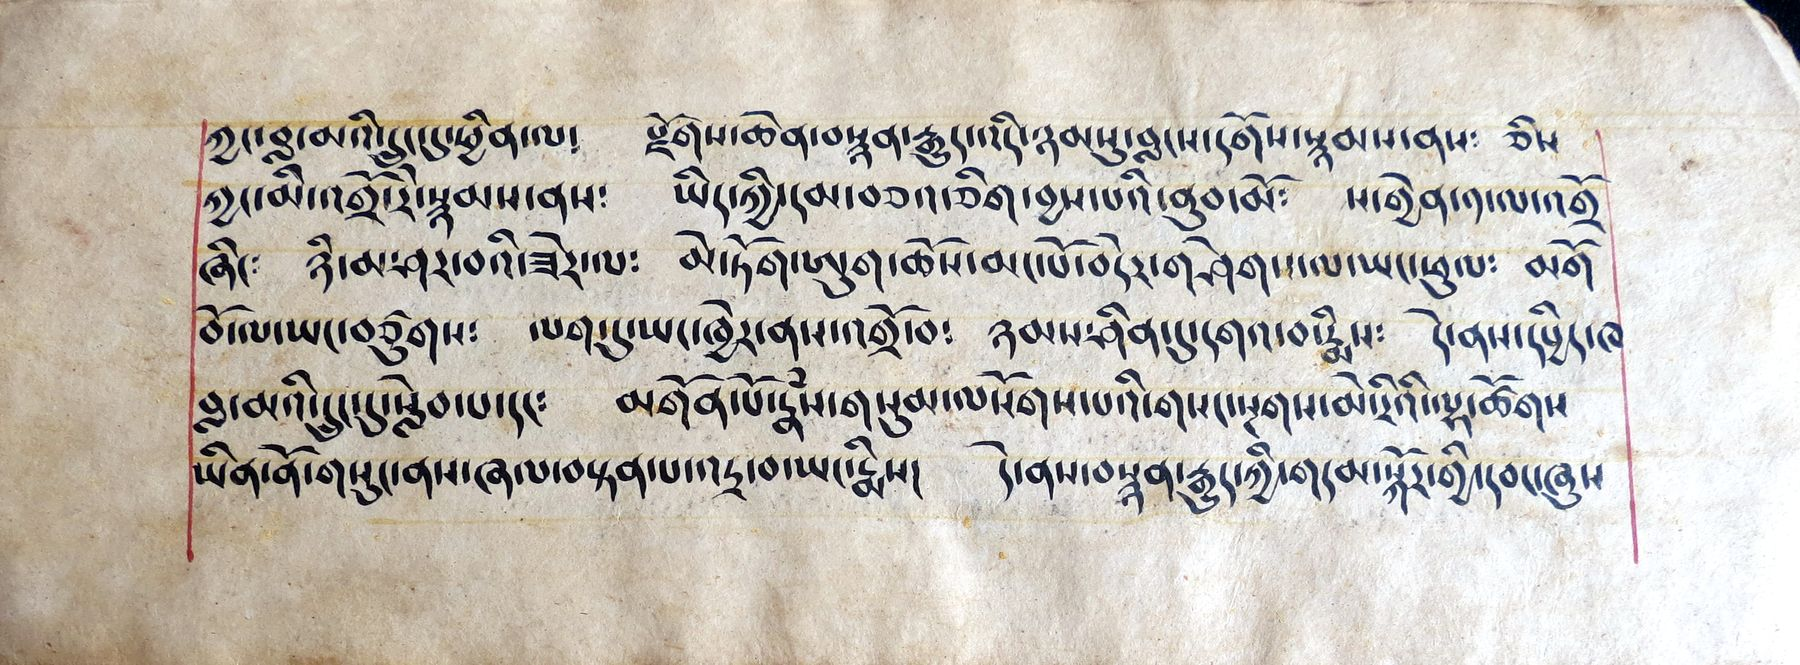ཀྱང་བླ་མའི་དྲུང་དུ་ཕྱིན་ལ། རྫོགས་ཆེན་སྙན་རྒྱུད་འདི་ཉམས་སུ་བླང་དགོས་སྙམས་ནས། ཅིས་
ཀྱང་མི་འགྲོ་རེ་སྙམ་ནས། ཡིད་ཀྱི་དམ་བཅའ་ཅིག་བྱས་པའི་ནུབ་མོ། ས་གྱེན་ཞིག་ལ་འགྲོ་
ཞིང་། ཉི་མ་ཤར་བའི་ཟེར་ལ་མེ་ཏོག་ཨུག་ཆོས་མང་པོ་བདེར་གཤེགས་ལ་ཡང་ཕུལ། མགོ་
བོ་ལ་ཡང་བཙུགས། ལག་ཏུ་ཡང་ཁྱེར་ནས་འགྲོ་བ་ཉམས་ཤིན་ཏུ་དགའ་བ་རྨིས། དེ་ནས་དཔྱིད་ཁ་
བླ་མའི་དྲུང་དུ་སླེབས་པ་དང་། མགོན་པོ་རྣམ་གསུམ་ལས་སོགས་པའི་གསང་སྔགས་མེ་རིའི་ལྷ་ཚོགས་
ཡིན་ནོ་གསུངས་ནས། ཞལ་བསྟན་པ་འདྲ་བ་ཡང་རྨིས། དེ་ནས་སྙན་རྒྱུད་ཀྱི་གདམས་སྐོར་གྱི་དབང་ཞུས་